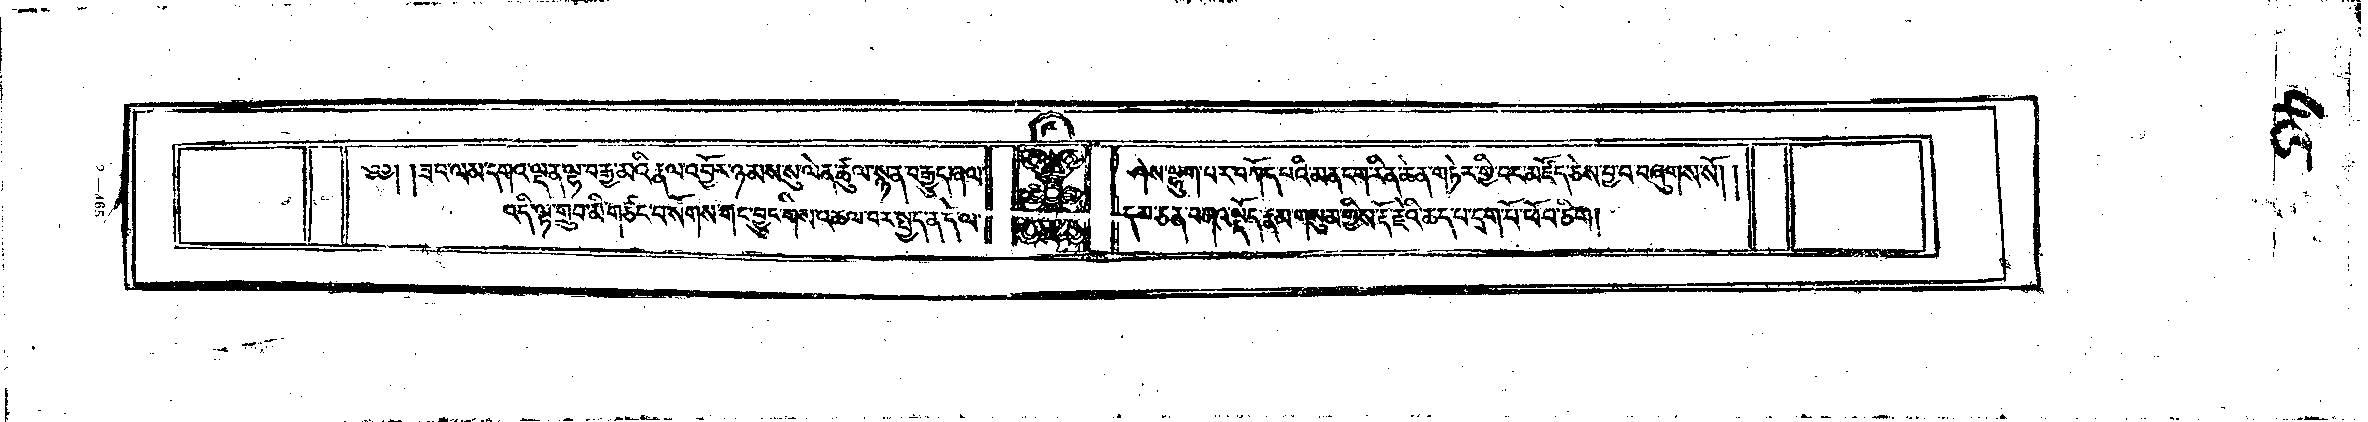༄༅། །ཟབ་ལམ་དགའ་ལྡན་ལྷ་བརྒྱ་མའི་རྣལ་འབྱོར་ཉམས་སུ་ལེན་ཚུལ་སྙན་བརྒྱུད་ཞལ་ཤེས་ལྷུག་པར་བཀོད་པའི་མན་ངག་རིན་ཆེན་གཏེར་གྱི་བང་མཛོད་ཅེས་བྱ་བ་བཞུགས་སོ། །
འདི་ལྟ་གྲུབ་མི་གཙང་བ་སོགས་གང་བྱུང་གིས་འཆལ་བར་སྤྱད་ན་དེ་ལ་དམ་ཅན་བཀའ་སྡོད་རྣམ་གསུམ་གྱིས་རྡོ་རྗེའི་ཆད་པ་དྲག་པོ་ཕོ་བ་ཅིག །